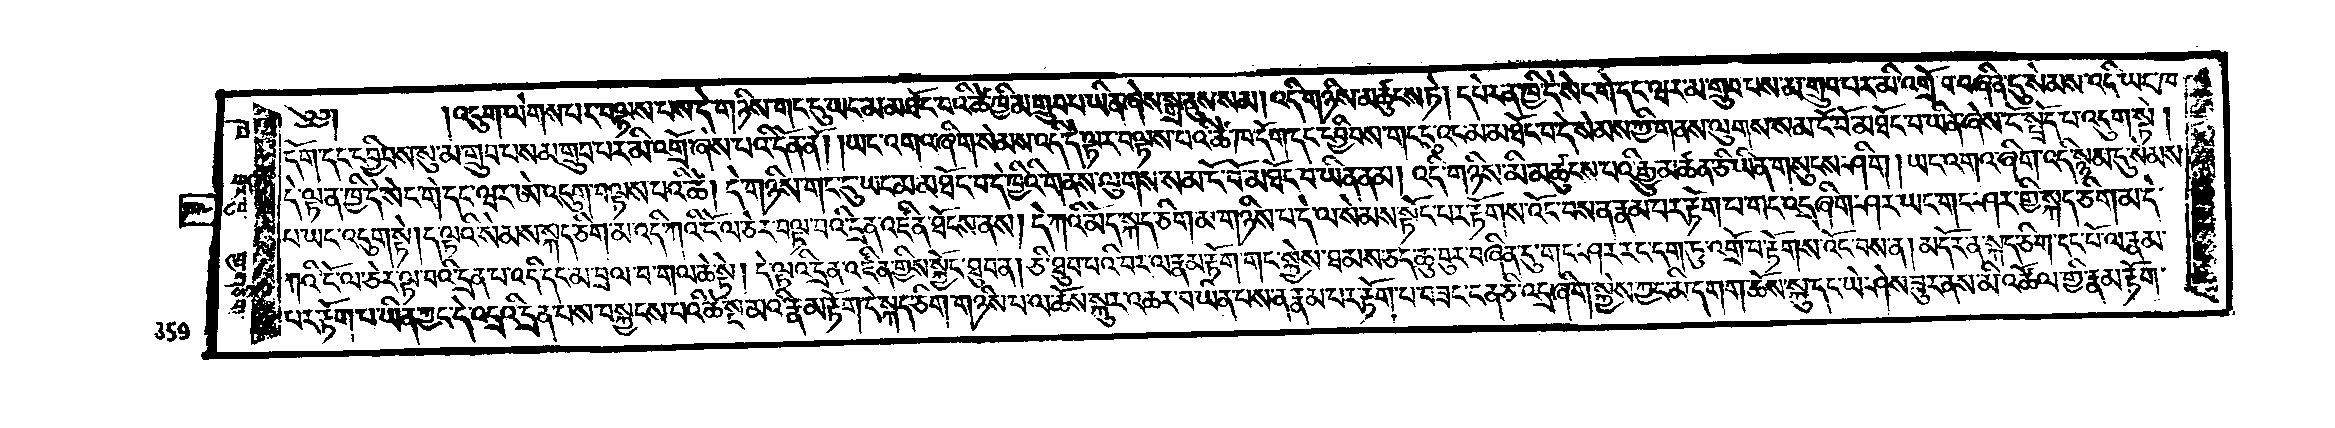༄༅། །འདུག་ལེགས་པར་བལྟས་པས་དེ་གཉིས་གང་དུ་ཡང་མ་མཐོང་བའི་ཚེ་ཁྱི་མ་གྲུབ་པ་ཡིན་ཞེས་སྨྲ་ནུས་སམ། འདི་གཉིས་མཚུངས་ཏེ། དཔེར་ན་ཁྱི་དེ་སེང་གེ་དང་ཝར་མ་གྲུབ་པས་མ་གྲུབ་པར་མི་འགྲོ་བ་བཞིན་དུ་སེམས་འདི་ཡང་ཁ་
དོག་དང་དབྱིབས་སུ་མ་གྲུབ་པས་མ་གྲུབ་པར་མི་འགྲོ་ཞེས་པའི་དོན་ནོ། །ཡང་འགའ་ཞིག་སེམས་འདི་དེ་ལྟར་བལྟས་པའི་ཚེ་ཁ་དོག་དང་དབྱིབས་གང་དུ་འང་མ་མཐོང་བ་དེ་སེམས་ཀྱི་གནས་ལུགས་སམ་ངོ་བོ་མཐོང་བ་ཡིན་ཞེས་ངོ་སྤྲོད་པ་འདུག་སྟེ།
དེ་ལྟ་ན་ཁྱི་དེ་སེང་གེ་དང་ཝར་ཨེ་འདུག་བལྟས་པའི་ཚེ། དེ་གཉིས་གང་དུ་ཡང་མ་མཐོང་བ་དེ་ཁྱིའི་གནས་ལུགས་སམ་ངོ་བོ་མཐོང་བ་ཡིན་ནམ། འདི་གཉིས་མི་མཚུངས་པའི་རྒྱུ་མཚན་ཅི་ཡིན་གསུངས་ཤིག །ཡང་འགའ་ཞིག་འདི་སྙམ་དུ་སེམས་
པ་ཡང་འདུག་སྟེ། ད་ལྟའི་སེམས་སྐད་ཅིག་མ་འདི་ཀའི་ངོ་ལ་ཅེར་བལྟ་བའི་དྲན་འཛིན་ཐོངས་ནས། དེ་ཀའི་མོད་སྐད་ཅིག་མ་གཉིས་པ་དེ་ལ་སེམས་སྟོང་པར་རྟོགས་འོང་བས་ན་རྣམ་པར་རྟོག་པ་གང་འདྲ་ཞིག་ཤར་ཡང་གང་ཤར་གྱི་སྐད་ཅིག་མ་དེ་
ཀའི་ངོ་ལ་ཅེར་ལྟ་བའི་དྲན་པ་འདི་དང་མ་བྲལ་བ་གལ་ཆེ་སྟེ། དེ་ལྟའི་དྲན་འཛིན་གྱིས་སྐྱོང་ཐུབ་ན། ཅི་ཐུབ་པའི་བར་ལ་རྣམ་རྟོག་གང་སྐྱེས་ཐམས་ཅད་ཆུ་བུར་བཞིན་དུ་གང་ཤར་རང་དག་ཏུ་འགྲོ་བ་རྟོགས་འོང་བས་ན། མདོར་ན་སྐད་ཅིག་དང་པོ་ལ་རྣམ་
པར་རྟོག་པ་ཡིན་ཀྱང་དེ་འདྲའི་དྲན་པས་བསྐྱངས་པའི་ཚེ་སྔ་མའི་རྣམ་རྟོག་དེ་སྐད་ཅིག་གཉིས་པ་ལ་ཆོས་སྐུར་འཆར་བ་ཡིན་པས་ན་རྣམ་པར་རྟོག་པ་བཟང་ངན་ཅི་འདྲ་ཞིག་སྐྱེས་ཀྱང་མི་དགག་ཆོས་སྐུ་དང་ཡེ་ཤེས་ཟུར་ནས་མི་འཚོལ་གྱི་རྣམ་རྟོག་